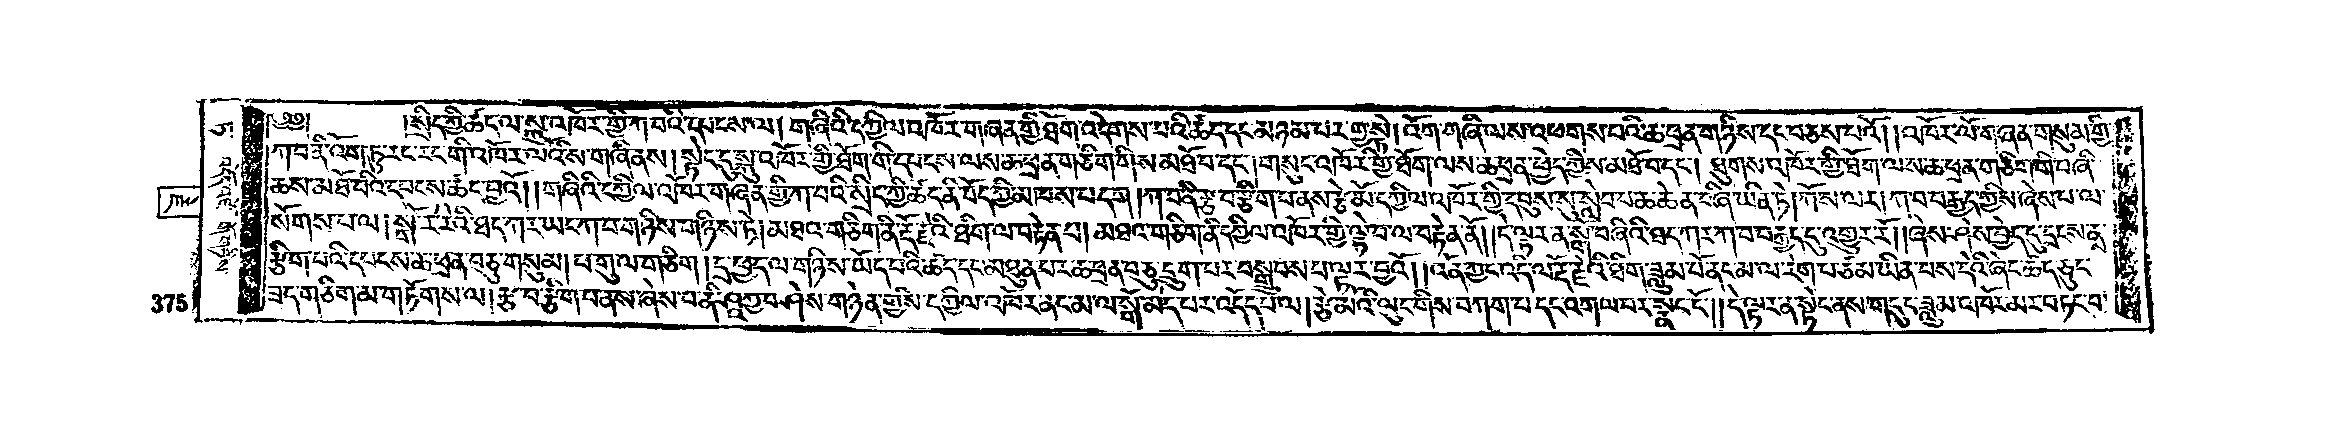༄༅། །སྲིད་ཀྱི་ཚད་ལ་སྐུ་འཁོར་གྱི་ཀ་བའི་དཔངས་ལ། གཞིའི་དཀྱིལ་འཁོར་གཞན་གྱི་ཐོག་འདེགས་པའི་ཚད་དང་མཉམ་པར་བྱ་སྟེ། འོག་གཞི་ལས་འཕགས་པའི་ཆ་ཕྲན་གཉིས་དང་བཅས་པའོ། །འཁོར་ལོ་གཞན་གསུམ་གྱི་
ཀ་བ་ནི་འོག་ཏུ་རང་རང་གི་འཁོར་ལོའི་ས་གཞི་ནས། སྟེང་དུ་སྐུ་འཁོར་གྱི་ཐོག་གི་དཔངས་ལས་ཆ་ཕྲན་གཅིག་གིས་མཐོ་བ་དང་། གསུང་འཁོར་གྱི་ཐོག་ལས་ཆ་ཕྲན་ཕྱེད་ཀྱིས་མཐོ་བ་དང་། ཐུགས་འཁོར་གྱི་ཐོག་ལས་ཆ་ཕྲན་གཅིག་གི་བཞི་
ཆས་མཐོ་བའི་དཔངས་ཚད་བྱའོ། །གཞིའི་དཀྱིལ་འཁོར་གཞན་གྱི་ཀ་བའི་སྲིད་ཀྱི་ཚད་ནི་བོད་ཀྱི་མཁས་པ་དག །ཀ་བ་ནི་རྩ་བ་རྩིག་པ་ནས་རྩེ་མོ་དཀྱིལ་འཁོར་གྱི་དབུས་སུ་སླེབ་པ་ཆ་ཆེན་བཞི་ཡིན་ཏེ། ཀོ་ས་ལར། ཀ་བ་བརྒྱད་ཀྱིས་ཞེས་པ་ལ་
སོགས་པ་ལ། སྒོ་རེ་རེའི་ཐད་ཀར་ཡང་ཀ་བ་གཉིས་གཉིས་ཏེ། མཐའ་གཅིག་ནི་རྡོ་རྗེའི་ཐིག་ལ་བརྟེན་པ། མཐའ་གཅིག་ནི་དཀྱིལ་འཁོར་གྱི་ལྟེ་བ་ལ་བརྟེན་ནོ། །དེ་ལྟར་ན་སྒོ་བཞིའི་ཐད་ཀར་ཀ་བ་བརྒྱད་དུ་འགྱུར་རོ། །ཞེས་ཤེས་བྱེད་དུ་དྲངས་ནས་
རྩིག་པའི་དཔངས་ཆ་ཕྲན་བཅུ་གསུམ། པ་གུ་ལ་གཅིག །དྲ་ཕྱེད་ལ་གཉིས་ཡོད་པའི་ཚད་དང་མཐུན་པར་ཆ་ཕྲན་བཅུ་དྲུག་པར་བསྒྲུབས་པ་ལྟར་བྱའོ། །འོན་ཀྱང་འདི་ལ་རྡོ་རྗེའི་ཐིག་ཟླུམ་པོ་ནང་མ་ལ་རེག་པ་ཙམ་ཡིན་པས་དེའི་ཞེང་ཚད་ཅུང་
ཟད་གཅིག་མ་གཏོགས་ལ། རྩ་བ་རྩིག་པ་ནས་ཞེས་པ་ནི་ཤཱཀྱ་བཤེས་གཉེན་གྱིས་དཀྱིལ་འཁོར་ནང་མ་ལ་སྒོ་མེད་པར་འདོད་པ་ལ། རྩེ་མོའི་ལུང་གིས་བཀག་པ་དང་འགལ་བར་སྣང་ངོ། །དེ་ལྟར་ན་སྟེང་ནས་གདུང་ཟླུམ་འཁོར་མར་བཏང་བ་